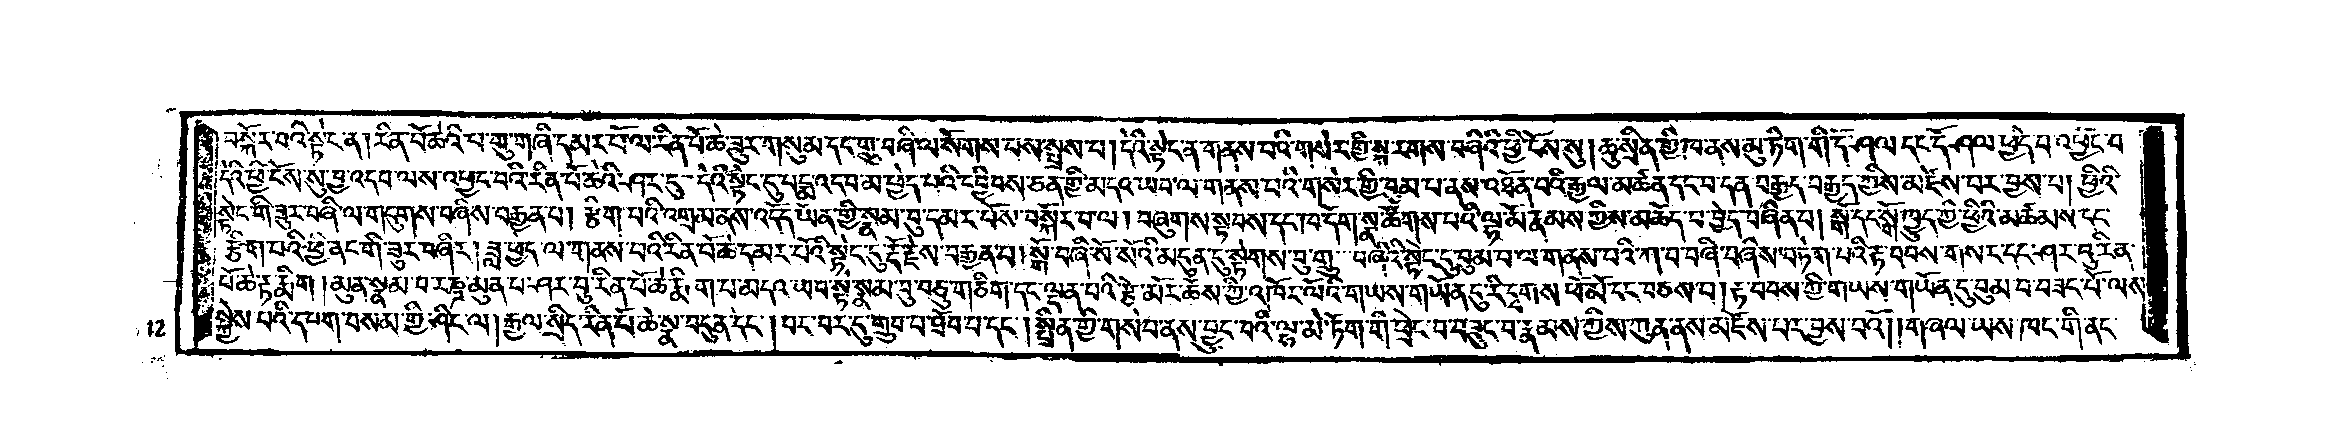བསྐོར་བའི་སྟེང་ན། རིན་པོ་ཆེའི་ཕ་གུ་གཞི་དམར་པོ་ལ་རིན་པོ་ཆེ་ཟུར་གསུམ་དང་གྲུ་བཞི་ལ་སོགས་པས་སྤྲས་པ། དེའི་སྟེང་ན་གནས་པའི་གསེར་གྱི་སྐ་རགས་བཞིའི་ཕྱི་ངོས་སུ། ཆུ་སྲིན་གྱི་ཁ་ནས་མུ་ཏིག་གི་དོ་ཤལ་དང་དེ་ཤལ་ཕྱེད་པ་འཕྱང་བ་
དེའི་ཕྱི་ངོས་སུ་བྱ་འདབ་ལས་འཕྱང་བའི་རིན་པོ་ཆེའི་ཤར་བུ། དེའི་སྟེང་དུ་པདམ་འདབ་མ་ཕྱེད་པའི་དབྱིབས་ཅན་གྱི་མདའ་ཡབ་ལ་གནས་པའི་གསེར་གྱི་བུམ་པ་ནས་འཐོན་པའི་རྒྱལ་མཚན་དང་བ་དན་བརྒྱད་བརྒྱད་ཀྱིས་མཛེས་པར་བྱས་པ། ཕྱིའི་སྟེང་གི་ཟུར་བཞི་ལ་གདུགས་བཞིས་བརྒྱན་པ། རྩིག་པའི་འགྲམ་ནས་འདོད་ཡོན་གྱི་སྣམ་བུ་དམར་པོས་བསྐོར་བ་ལ། བཞུགས་སྟབས་དང་ཁ་དོག་སྣ་ཚོགས་པའི་ལྷ་མོ་རྣམས་ཀྱིས་མཆོད་པ་བྱེད་བཞིན་པ། སྒོ་དང་སྒོ་ཁྱུད་ཀྱི་ཕྱིའི་མཚམས་དང་
རྩིག་པའི་ཕྱི་ནང་གི་ཟུར་བཞིར། ཟླ་ཕྱེད་ལ་གནས་པའི་རིན་པོ་ཆེ་དམར་པོའི་སྟེང་དུ་རྡོ་རྗེས་བརྒྱན་པ། སྒོ་བཞི་སོ་སོའི་བདུན་དུ་སྟེགས་བུ་གྲུ་བཞིའི་སྟེང་དུ་བུམ་པ་ལ་གནས་པའི་ཀ་བ་བཞི་བཞིས་བཏེག་པའི་རྟ་བབས་གསེར་དང་ཤར་བུ་རིན་
པོ་ཆེ་རྟ་རྨིག །མུན་སྣམ་བ་རཎྜ་མུན་པ་ཤར་བུ་རིན་པོ་ཆེ་རྨིག་པ་མདའ་ཡབ་སྟེ་སྣམ་བུ་བཅུ་གཅིག་དང་ལྡན་པའི་རྩེ་མོར་ཆོས་ཀྱི་འཁོར་ལོའི་གཡས་གཡོན་དུ་རི་དྭགས་ཕོ་མོ་དང་བཅས་པ། རྟ་བབས་ཀྱི་གཡས་གཡོན་དུ་བུམ་པ་བཟང་པོ་ལས་
སྐྱེས་པའི་དཔག་བསམ་གྱི་ཤིང་ལ། རྒྱལ་སྲིད་རིན་པོ་ཆེ་སྣ་བདུན་དང་། བར་བར་དུ་གྲུབ་པ་ཐོབ་པ་དང་། སྤྲིན་གྱི་གསེབ་ནས་བྱུང་བའི་ལྷ་མེ་ཏོག་གི་ཕྲེང་བ་བཟུང་བ་རྣམས་ཀྱིས་ཀུན་ནས་མཛེས་པར་བྱས་པའོ། །གཞལ་ཡས་ཁང་གི་ནང་